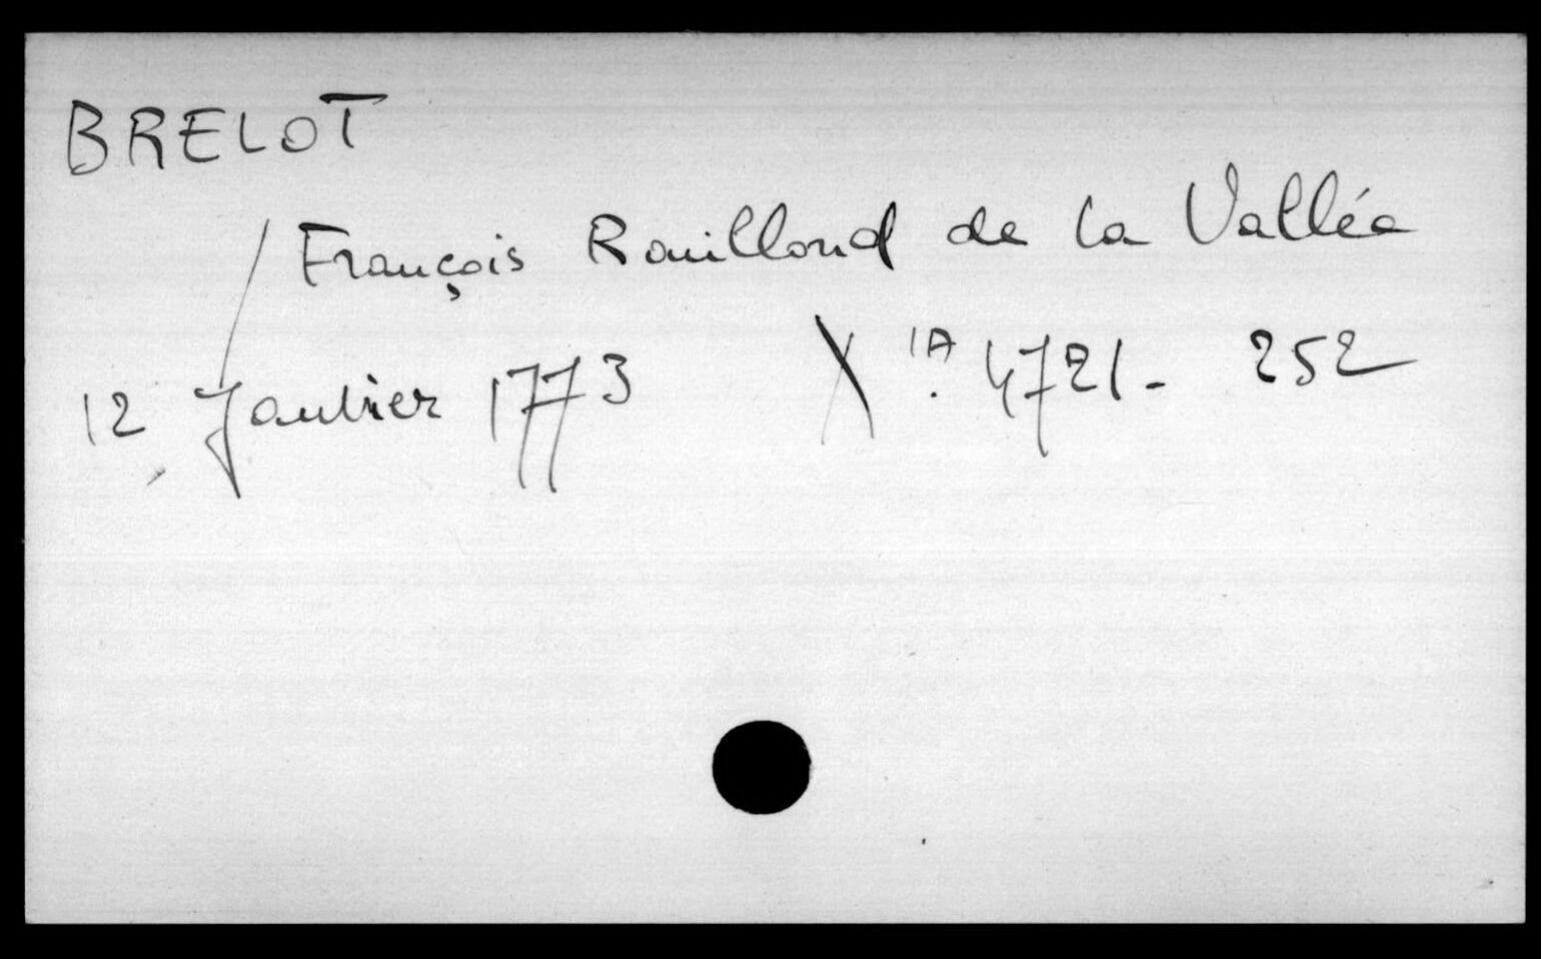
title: BRELOT
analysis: Contre François Rouillond de la vallée
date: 12 janvier 1773
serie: X1A
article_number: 4721
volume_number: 252
